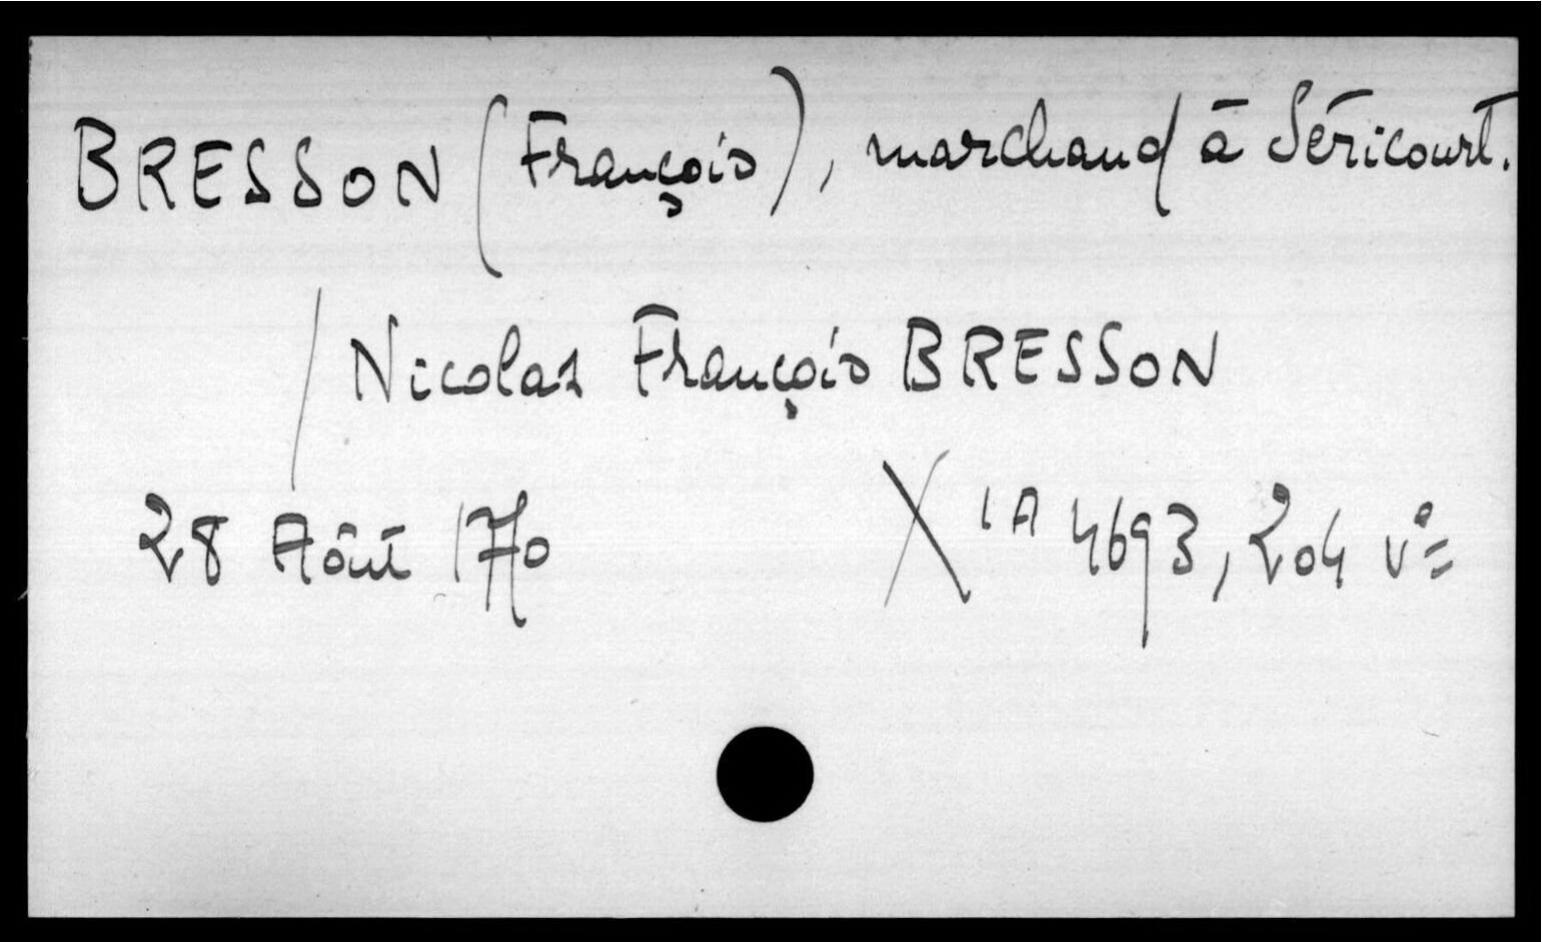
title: BRESSON (François), marchand à Séricourt
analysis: Contre Nicolas François BRESSON
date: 28 août 1770
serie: X1A
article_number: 4693
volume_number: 204v
